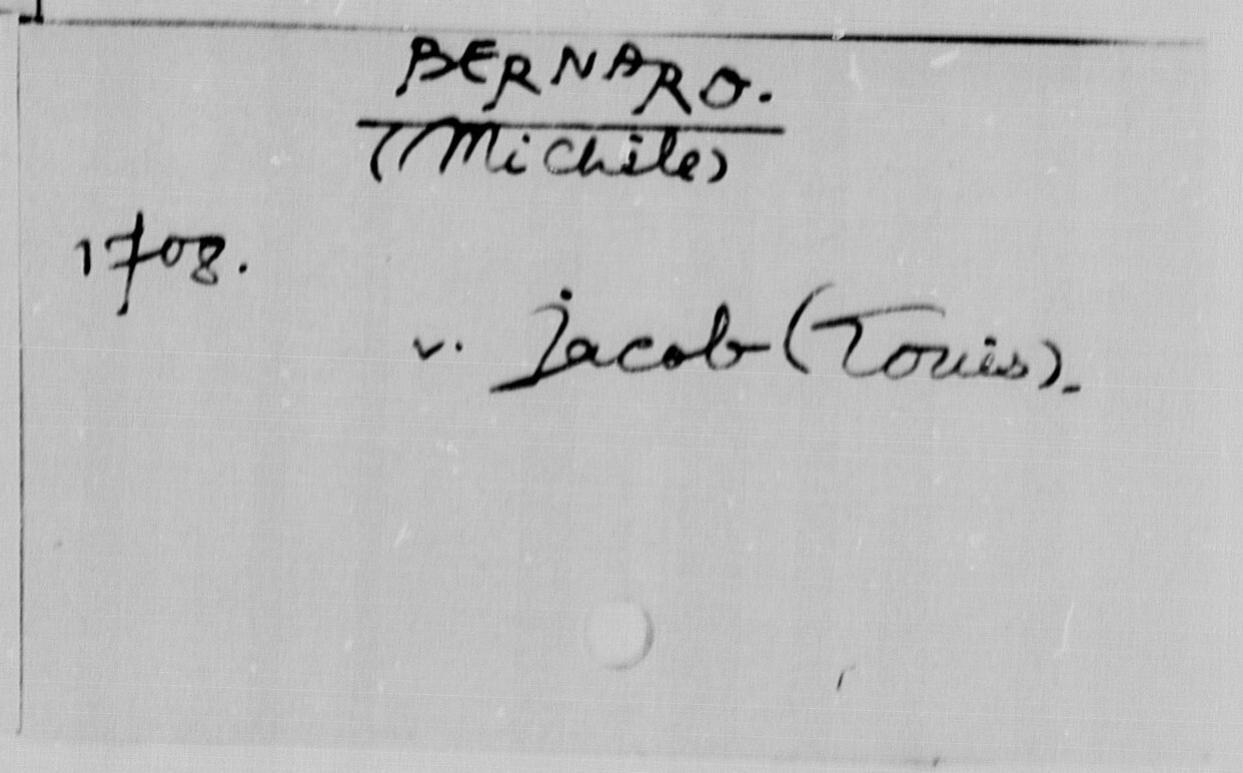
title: BERNARD (Michèle)
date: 1708
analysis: Voir JACOB (Louis)
